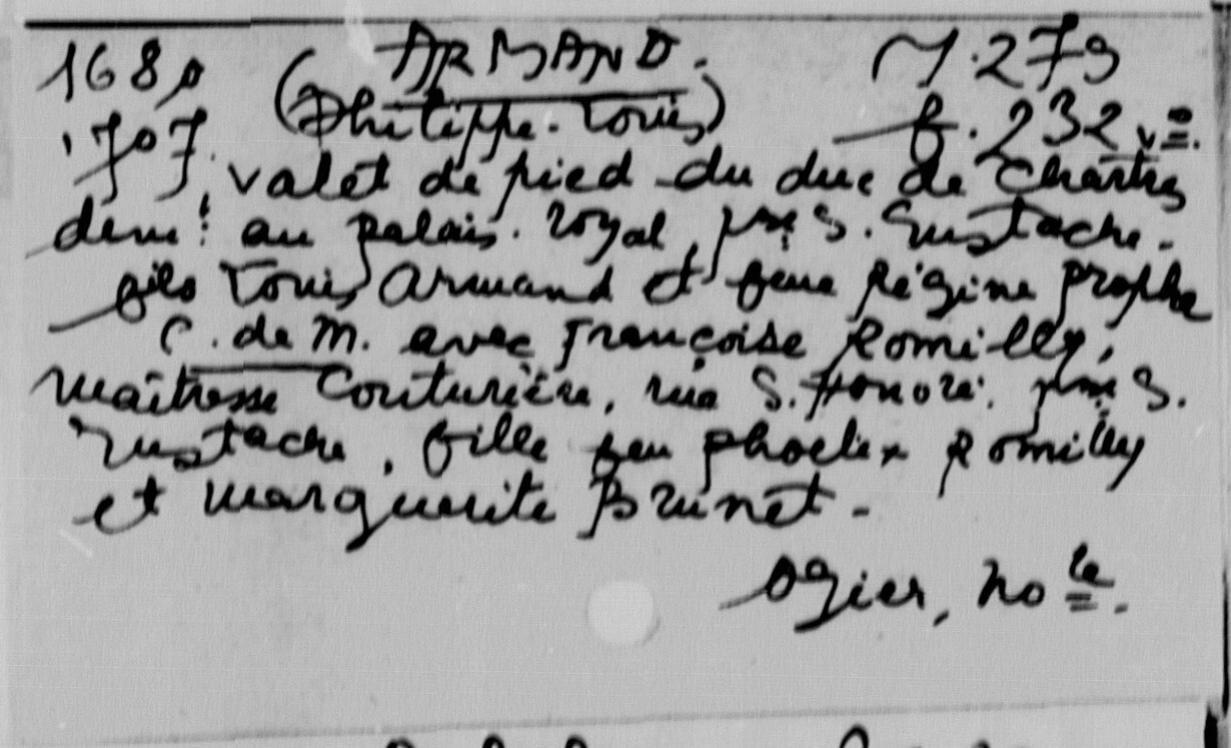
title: ARMAND (Philippe-Louis)
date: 1680-1707
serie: Y
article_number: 279
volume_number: folio 232 verso
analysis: Valet de pied du duc de Chartres, demeurant au Palais-Royal, paroisse Saint-Eustache, fils Louis Armand et feue Régine Prophe Contrat de mariage avec Françoise Romilly, maîtresse couturière, rue Saint Honoré, paroisse Saint-Eustache, fille feu Phoelex (?) Romilly et Marguerite Brunet. Ogier, notaire
